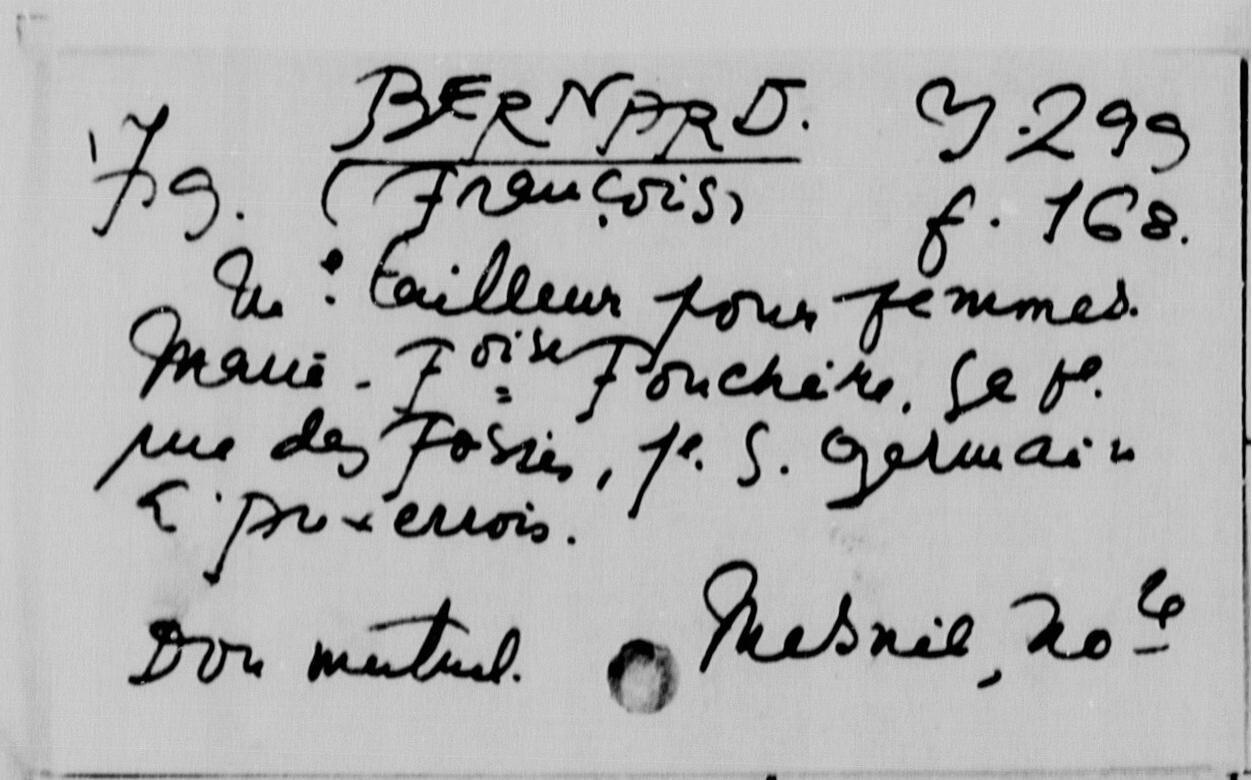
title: BERNARD (François)
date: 1709
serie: Y
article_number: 299
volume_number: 168
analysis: Maître- tailleur pour femmes.Marie-Françoise Fouchère, sa femme, rue des Fossés, paroisse Saint-Germain-l'Auxerrois. Don mutuel. Mesnil, notaire.
